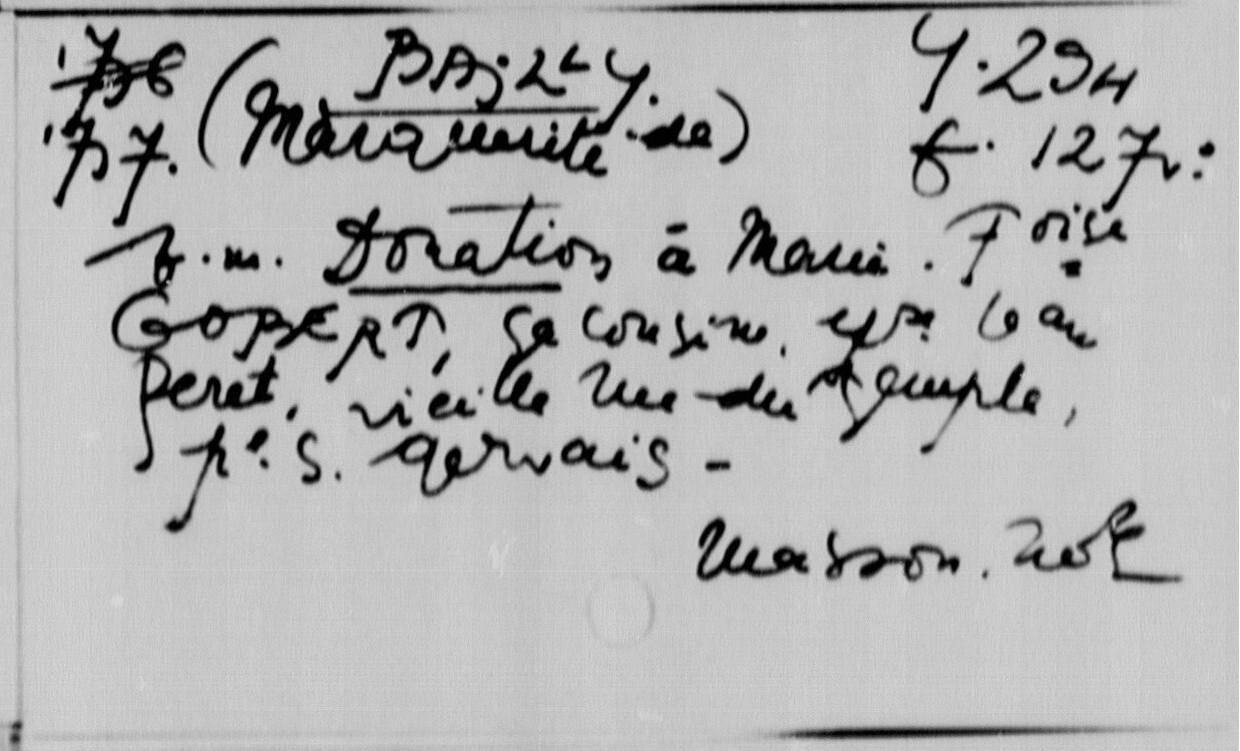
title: BAILLY (Marguerite de)
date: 1707
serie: Y
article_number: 294
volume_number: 127v
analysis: Fille majeure. Donation à Marie-Françoise Gobert, sa cousine, épouse Jean Peret, vieille rue du Temple, paroisse Saint-Gervais. Masson, notaire.
